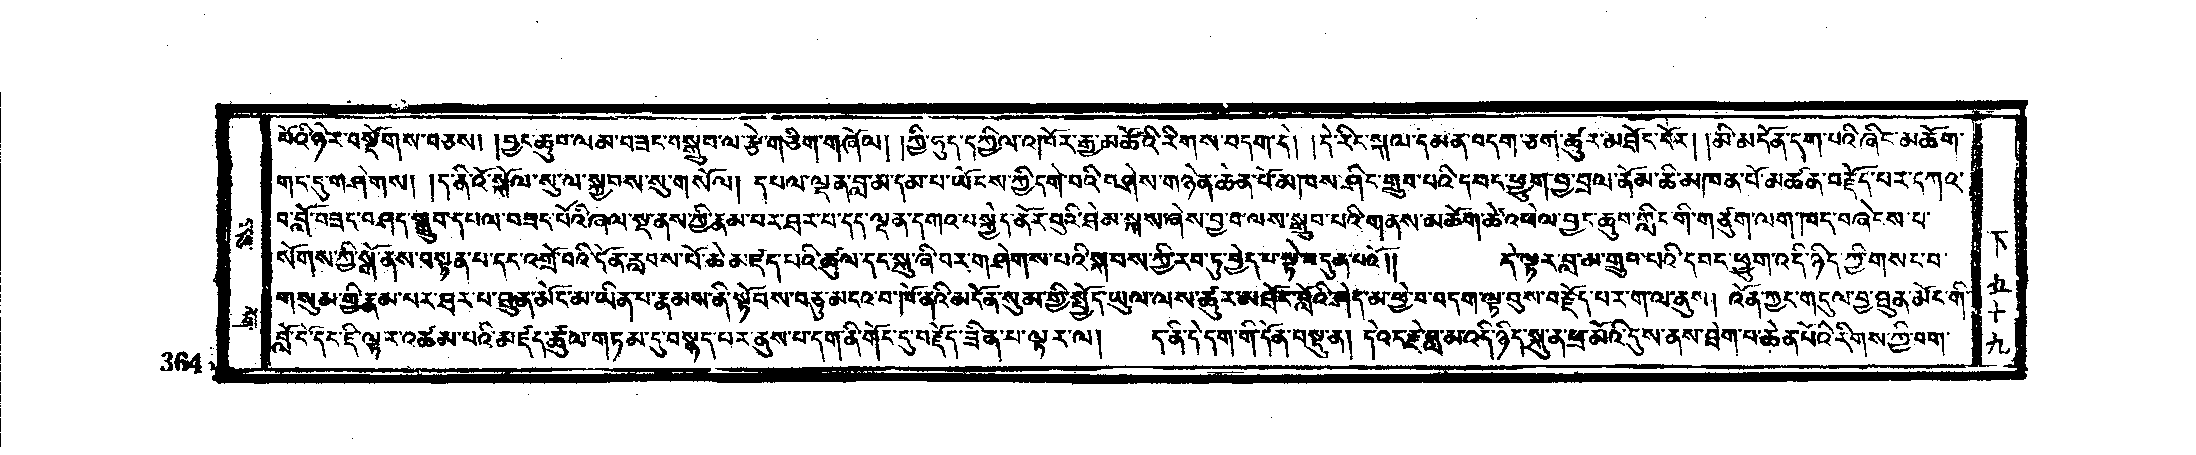པོའི་ཉེར་བསྡོགས་བཅས། །བྱང་ཆུབ་ལམ་བཟང་བསྒྲུབ་ལ་རྩེ་གཅིག་གཞོལ། །ཀྱི་ཧུད་དཀྱིལ་འཁོར་རྒྱ་མཚོའི་རིགས་བདག་དེ། །དེ་རིང་སྐལ་དམན་བདག་ཅག་ཚུར་མཐོང་ངོར?། །མི་མདོན?་དག་པའི་ཞིང་མཆོག་
གང་དུ་གཤེགས། །ད་ནི་འོ་སྐོལ་སུ་ལ་སྐྱབས་སུ་གསོལ། དཔལ་ལྡན་བླ་མ་དམ་པ་ཡོངས་ཀྱི་དགེ་བའི་བཤེས་གཉེན་ཆེན་པོ་མཁས་ཤིང་དབང་ཕྱུག་བྱ་བྲལ་ནོམ་ཆི་མཁན་པོ་མཚན་བརྗོད་པར་དཀའ་
བ་བློ་བཟང་བཤད་སྒྲུབ་དཔལ་བཟང་པོའི་ཞལ་སྔ་ནས་ཀྱི་རྣམ་པར་ཐར་པ་དད་ལྡན་དགའ་བསྐྱེད་ནོར་བུའི་ཐེམ་སྐས་ཞེས་བྱ་བ་ལས་སྒྲུབ་པའི་གནས་མཆོག་ཚེ་འཕེལ་བྱང་ཆུབ་གླིང་གི་གཙུག་ལག་ཁང་བཞེངས་པ་
སོགས་ཀྱི་སྒོ་ནས་བསྟན་པ་དང་འགྲོ་བའི་དོན་རླབས་པོ་ཆེ་མཛད་པའི་ཚུལ་དང་སྐུ་ཞི་བར་གཤེགས་པའི་སྐབས་ཀྱི་རབ་ཏུ་བྱེད་པ་སྟེ་བདུན་པའོ།། དེ་ལྟར་བླ་མ་གྲུབ་པའི་དབང་ཕྱུག་འདི་ཉིད་ཀྱི་གསང་བ་
གསུམ་གྱི་རྣམ་པར་ཐར་པ་ཐུན་མོང་མ་ཡིན་པ་རྣམས་ནི་སྟོབས་བཅུ་མངའ་བ་ཁོ་ནའི་མངོན་སུམ་གྱི་སྤྱོད་ཡུལ་ལས་ཚུར་མཐོང་བློའི་ཤེད་མ་ཕྱེ་བ་བདག་ལྟ་བུས་བརྗོད་པར་ག་ལ་ནུས། འོན་ཀྱང་གདུལ་བྱ་ཐུན་མོང་གི་
བློ་ངོ་དང་ཇི་ལྟར་འཚམ་པའི་མཛད་ཚུལ་གཏམ་དུ་བསྙད་པར་ནུས་པ་དག་ནི་གོང་དུ་བརྗོད་ཟིན་པ་ལྟར་ལ། ད་ནི་དེ་དག་གི་དོན་བསྡུ་ན། དེའང་རྗེ་བླ་མ་འདི་ཉིད་སྐུ་ན་ཕྲ་མོའི་དུས་ནས་ཐེག་པ་ཆེན་པོའི་རིགས་ཀྱི་བག་